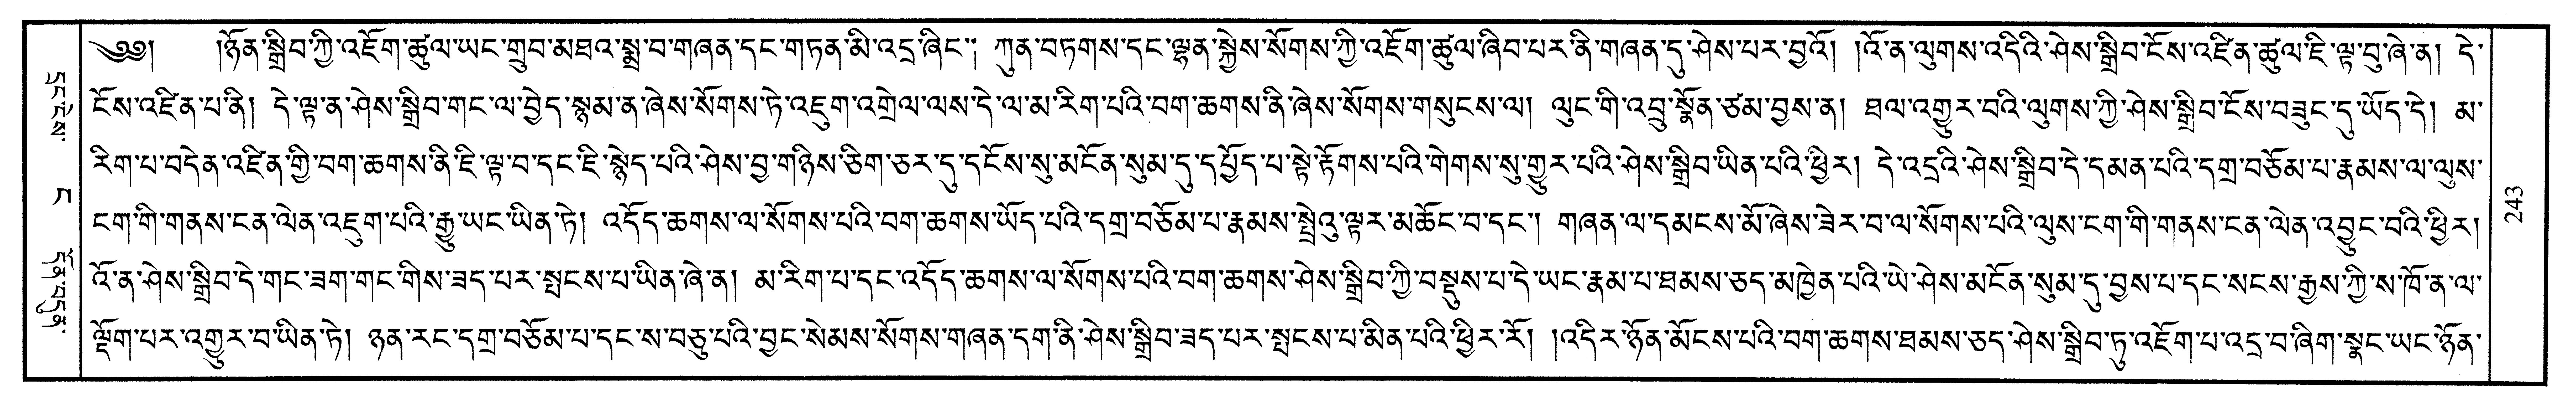༄༅། །ཉོན་སྒྲིབ་ཀྱི་འཇོག་ཚུལ་ཡང་གྲུབ་མཐའ་སྨྲ་བ་གཞན་དང་གཏན་མི་འདྲ་ཞིང་། ཀུན་བཏགས་དང་ལྷན་སྐྱེས་སོགས་ཀྱི་འཇོག་ཚུལ་ཞིབ་པར་ནི་གཞན་དུ་ཤེས་པར་བྱའོ། །འོ་ན་ལུགས་འདིའི་ཤེས་སྒྲིབ་ངོས་འཛིན་ཚུལ་ཇི་ལྟ་བུ་ཞེ་ན། དེ་
ངོས་འཛིན་པ་ནི། དེ་ལྟ་ན་ཤེས་སྒྲིབ་གང་ལ་བྱེད་སྙམ་ན་ཞེས་སོགས་ཏེ་འཇུག་འགྲེལ་ལས་དེ་ལ་མ་རིག་པའི་བག་ཆགས་ནི་ཞེས་སོགས་གསུངས་ལ། ལུང་གི་འབྲུ་སྣོན་ཙམ་བྱས་ན། ཐལ་འགྱུར་བའི་ལུགས་ཀྱི་ཤེས་སྒྲིབ་ངོས་བཟུང་དུ་ཡོད་དེ། མ་
རིག་པ་བདེན་འཛིན་གྱི་བག་ཆགས་ནི་ཇི་ལྟ་བ་དང་ཇི་སྙེད་པའི་ཤེས་བྱ་གཉིས་ཅིག་ཅར་དུ་དངོས་སུ་མངོན་སུམ་དུ་དཔྱོད་པ་སྟེ་རྟོགས་པའི་གེགས་སུ་གྱུར་པའི་ཤེས་སྒྲིབ་ཡིན་པའི་ཕྱིར། དེ་འདྲའི་ཤེས་སྒྲིབ་དེ་དམན་པའི་དགྲ་བཅོམ་པ་རྣམས་ལ་ལུས་
ངག་གི་གནས་ངན་ལེན་འཇུག་པའི་རྒྱུ་ཡང་ཡིན་ཏེ། འདོད་ཆགས་ལ་སོགས་པའི་བག་ཆགས་ཡོད་པའི་དགྲ་བཅོམ་པ་རྣམས་སྤྲེའུ་ལྟར་མཆོང་བ་དང་། གཞན་ལ་དམངས་མོ་ཞེས་ཟེར་བ་ལ་སོགས་པའི་ལུས་ངག་གི་གནས་ངན་ལེན་འབྱུང་བའི་ཕྱིར།
འོ་ན་ཤེས་སྒྲིབ་དེ་གང་ཟག་གང་གིས་ཟད་པར་སྤངས་པ་ཡིན་ཞེ་ན། མ་རིག་པ་དང་འདོད་ཆགས་ལ་སོགས་པའི་བག་ཆགས་ཤེས་སྒྲིབ་ཀྱི་བསྡུས་པ་དེ་ཡང་རྣམ་པ་ཐམས་ཅད་མཁྱེན་པའི་ཡེ་ཤེས་མངོན་སུམ་དུ་བྱས་པ་དང་སངས་རྒྱས་ཀྱི་ས་ཁོ་ན་ལ་
ལྡོག་པར་འགྱུར་བ་ཡིན་ཏེ། ཉན་རང་དགྲ་བཅོམ་པ་དང་ས་བཅུ་པའི་བྱང་སེམས་སོགས་གཞན་དག་ནི་ཤེས་སྒྲིབ་ཟད་པར་སྤངས་པ་མིན་པའི་ཕྱིར་རོ། །འདིར་ཉོན་མོངས་པའི་བག་ཆགས་ཐམས་ཅད་ཤེས་སྒྲིབ་ཏུ་འཇོག་པ་འདྲ་བ་ཞིག་སྣང་ཡང་ཉོན་